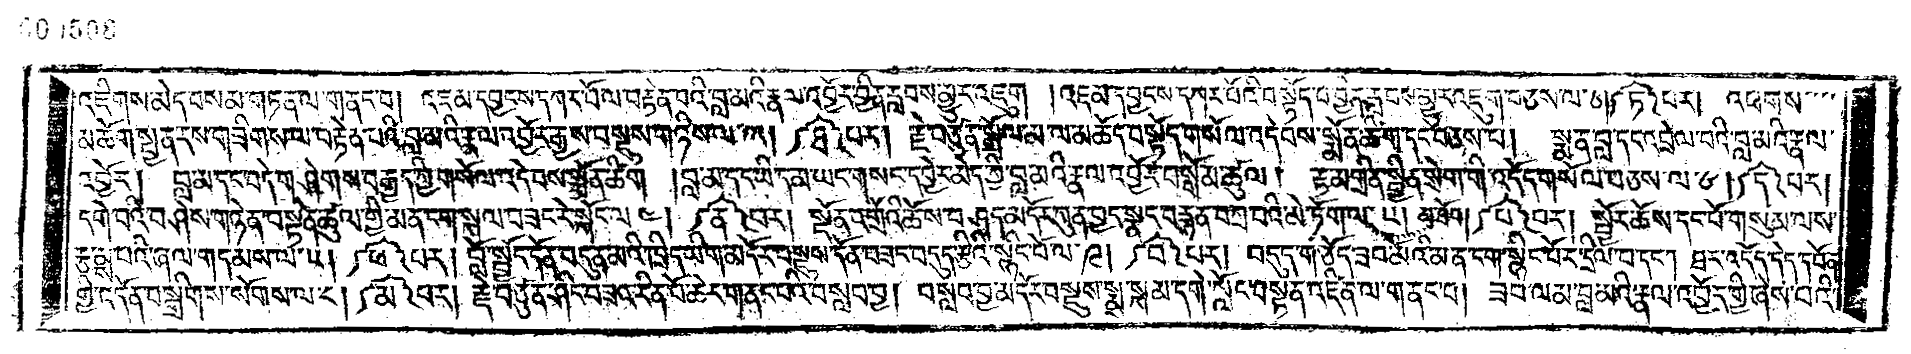འཇིགས་མེད་བསམ་གཏན་ལ་གནང་བ། འཇམ་དབྱངས་དཀར་པོ་ལ་བརྟེན་པའི་བླ་མའི་རྣལ་འབྱོར་བྱིན་རླབས་མྱུར་འཇུག །འཇམ་དབྱངས་དཀར་པོའི་བསྟོད་པ་བྱིན་རླབས་མྱུར་འཇུག་བཅས་ལ ༦། ༼ཏ༽ པར། འཕགས་
མཆོག་སྤྱན་རས་གཟིགས་ལ་བརྟེན་པའི་བླ་མའི་རྣལ་འབྱོར་རྒྱས་བསྡུས་གཉིས ༣། ༼ཐ༽ པར། རྗེ་བཙུན་སྒྲོལ་མ་ལ་མཆོད་བསྟོད་གསོལ་འདེབས་སྨོན་ཚིག་དང་བཅས་པ། སྨན་བླ་དང་འབྲེལ་བའི་བླ་མའི་རྣལ་
འབྱོར། བླ་མ་དང་བདེ་གཤེགས་བརྒྱད་ཀྱི་གསོལ་འདེབས་སྨོན་ཚིག །བླ་མ་དང་ཡི་དམ་ཡང་གསང་དབྱེར་མེད་ཀྱི་བླ་མའི་རྣལ་འབྱོར་བསྒོམ་ཚུལ། རྟ་མགྲིན་སྦྱིན་སྲེག་གི་འདོད་གསོལ་བཅས་ལ ༦། ༼ད༽ པར།
དགེ་བའི་བཤེས་གཉེན་བསྟེན་ཚུལ་གྱི་མན་ངག་སྐལ་བཟང་རེ་སྐོང་ལ ༤། ༼ན༽ པར། སྔོན་འགྲོའི་ཆོས་བཤད་མདོར་ཀུན་བྱང་སྣང་བརྙན་བཀྲ་པའི་མེ་ཏོག་ལ་མ་ཐོབ།  ༼པ༽ པར། སྦྱོར་ཆོས་དང་པོ་གསུམ་ལས་
རྩམས་པའི་ཞལ་གདམས་ལ ༥། ༼ཕ༽ པར། བློ་སྦྱོང་དོན་བདུན་མའི་ཁྲིད་ཡིག་མདོར་བསྡུས་དོན་བཟང་བདུད་རྩིའི་སྙིང་པོ་ལ ༩། ༼བ༽ པར། བདུད་གཅོད་ཟབ་མོའི་མན་ངག་སྙིང་པོར་དྲིལ་བ་དང་། ཐར་འདོད་དེད་དཔོན་
གྱི་འདོན་བསྒྲིགས་སོགས་ལ ༨། ༼མ༽ པར། རྗེ་བཙུན་ཤིང་བཟའ་རིན་པོ་ཆེར་གནང་པའི་བསླབ་བྱ། བསླབ་བྱ་མདོར་བསྡུས་སྨྲ་སྐམ་དགེ་སློང་བསྟན་འཛིན་ལ་གནང་བ། ཟབ་ལམ་བླ་མའི་རྣལ་འབྱོར་གྱི་ཞེས་པའི་